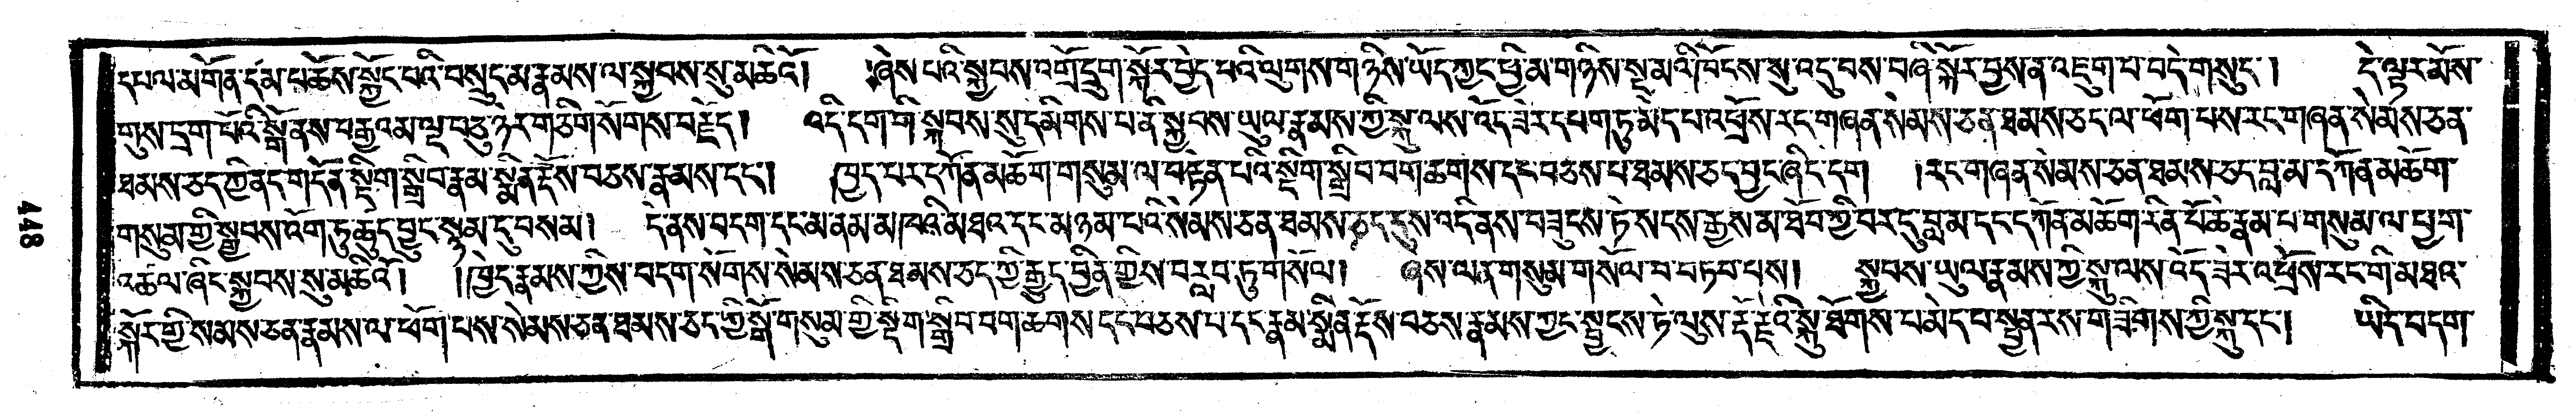དཔལ་མགོན་དམ་པ་ཆོས་སྐྱོང་བའི་བསྲུང་མ་རྣམས་ལ་སྐྱབས་སུ་མཆིའོ། །ཞེས་པའི་སྐྱབས་འགྲོ་དྲུག་སྐོར་བྱེད་པའི་ལུགས་གཉིས་ཡོད་ཀྱང་ཕྱི་མ་གཉིས་སྔ་མའི་ཁོངས་སུ་འདུ་བས་བཞི་སྐོར་བྱས་ན་འཇུག་པ་བདེ་གསུང་། དེ་ལྟར་མོས་
གུས་དྲག་པོའི་སྒོ་ནས་བརྒྱའམ་ལྔ་བཅུ་ཉེར་གཅིག་སོགས་བརྗོད། འདི་དག་གི་སྐབས་སུ་དམིགས་པ་ནི་སྐྱབས་ཡུལ་རྣམས་ཀྱི་སྐུ་ལས་འོད་ཟེར་དཔག་ཏུ་མེད་པ་འཕྲོས་རང་གཞན་སེམས་ཅན་ཐམས་ཅད་ལ་ཕོག་པས་རང་གཞན་སེམས་
ཐམས་ཅད་ཀྱི་ནད་གདོན་སྡིག་སྒྲིབ་རྣམ་སྨིན་རྡོས་བཅས་རྣམས་དང་། ཁྱད་པར་དཀོན་མཆོག་གསུམ་ལ་བརྟེན་པའི་སྡིག་སྒྲིབ་པ་བག་ཆགས་དང་བཅས་པ་ཐམས་ཅད་བྱང་ཞིང་དག །རང་གཞན་སེམས་ཅན་ཐམས་ཅད་བླ་མ་དཀོན་མཆོག་
གསུམ་གྱི་སྐྱབས་འོག་ཏུ་ཆུད་བྱུང་སྙམ་དུ་བསམ། དེ་ནས་བདག་དང་མ་ནམ་མཁའི་མཐའ་དང་མཉམ་པའི་སེམས་ཅན་ཐམས་ཅད་འདི་ནས་བཟུངས་ཏེ་སངས་རྒྱས་མ་ཐོབ་ཀྱི་བར་དུ་བླ་མ་དང་དཀོན་མཆོག་རིན་པོ་ཆེ་རྣམ་པ་གསུམ་ལ་ཕྱག་
འཚལ་ཞིང་སྐྱབས་སུ་མཆིའོ། །ཁྱེད་རྣམས་ཀྱིས་བདག་སོགས་སེམས་ཅན་ཐམས་ཅད་ཀྱི་རྒྱུད་བྱིན་གྱིས་བརླབ་ཏུ་གསོལ། ཞེས་ལན་གསུམ་གསོལ་བ་བཏབ་པས། སྐྱབས་ཡུལ་རྣམས་ཀྱི་སྐུ་ལས་འོད་ཟེར་འཕྲོས་རང་གི་མཐའ་
སྐོར་གྱི་སེམས་ཅན་རྣམས་ལ་ཕོག་པས་སེམས་ཅན་ཐམས་ཅད་ཀྱི་སྒོ་གསུམ་གྱི་སྡིག་སྒྲིབ་བག་ཆགས་དང་བཅས་པ་དང་རྣམ་སྨིན་རྡོས་བཅས་རྣམས་ཀྱང་སྦྱངས་ཏེ་ལུས་རྡོ་རྗེའི་སྐུ་ཐོགས་པ་མེད་པ་སྤྱན་རས་གཟིགས་ཀྱི་སྐུ་དང་། ཡིད་བདག་